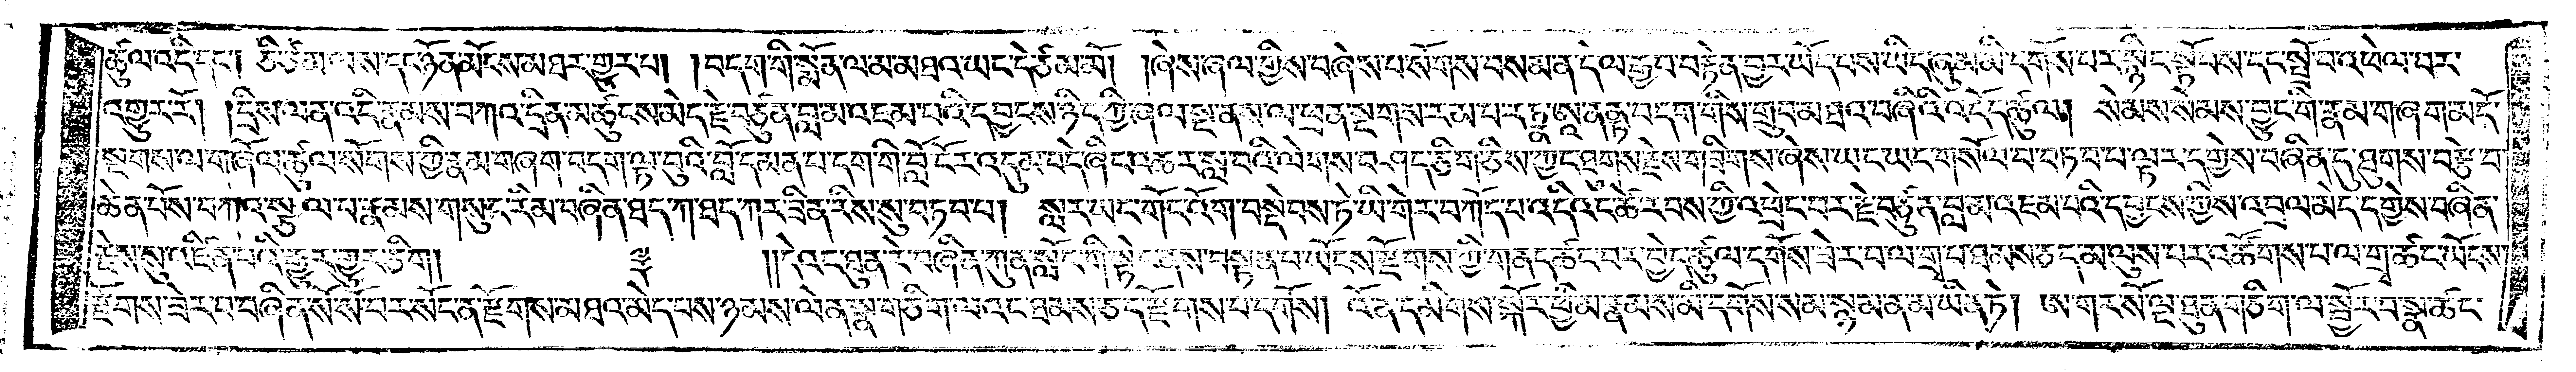ཚུལ་འདི་དང་། ཅི་ཙམ་ལས་དང་ཉོན་མོངས་མཐར་གྱུར་པ། །བདག་གི་སྨོན་ལམ་མཐའ་ཡང་དེ་ཙམ་མོ། །ཞེས་ཞལ་གྱིས་བཞེས་པ་སོགས་བསམ་ན་དེ་ལ་རྒྱབ་བརྟེན་བྱར་ཡོད་པས་ཡིད་ཞུམ་མི་དགོས་པར་སྙིང་སྟོབས་དང་སྤྲོ་བ་འཕེལ་བར་
འགྱུར་རོ། །དྲིས་ལན་འདི་རྣམས་བཀའ་དྲིན་མཚུངས་མེད་རྗེ་བཙུན་བླ་མ་འཇམ་པའི་དབྱངས་ཉིད་ཀྱི་ཞལ་སྔ་ནས་ལ་ཕྲན་སྔགས་རིམ་པར་ཏྣ་ཨཱ་ནནྟ་བདག་གིས་གྲུབ་མཐའ་བཞིའི་འདོད་ཚུལ། སེམས་སེམས་བྱུང་གི་རྣམ་གཞག་མདོ་
སྔགས་ལ་གཞོལ་ཚུལ་སོགས་ཀྱི་རྣམ་གཞག་བདག་ལྟ་བུའི་བློ་དམན་ཕ་དག་གི་བློ་ངོར་འདུམ་བདེ་ཞིང་འཆར་སླ་བའི་ལེགས་བཤད་ཅིག་ཅིས་ཀྱང་ཐུགས་རྗེས་གཟིགས་ཞེས་ཡང་ཡང་གསོལ་བ་བཏབ་པ་ལྟར་དགྱེས་བཞིན་དུ་ཐུགས་བརྩེ་བ་
ཆེན་པོས་བཀའ་སྩལ་པ་རྣམས་གསུང་རིམ་བཞིན་ཐད་ཀ་ཐད་ཀར་ཟིན་རིས་སུ་བཏབ་པ། སླར་ཡང་གོང་འོག་བསྡེབས་ཏེ་ཡི་གེར་བཀོད་པ་འདིའང་ཚེ་རབས་ཀྱི་འཕྲེང་བར་རྗེ་བཙུན་བླ་མ་འཇམ་པའི་དབྱངས་ཀྱིས་འབྲལ་མེད་དགྱེས་བཞིན་
རྗེས་སུ་འཛིན་པའི་མྱུར་གྱུར་ཅིག། ། ༈ །།དེའང་ཐུན་རེ་བཞིན་ཀུན་སློང་གི་སྟེང་ནས་བསྟན་པ་ཡོངས་རྫོགས་ཀྱི་གནད་ཚང་བར་བྱེད་ཚུལ་དགོས་ཟེར་བ་ལ་གྲྭ་པ་ཐམས་ཅད་མ་ལུས་པར་འཚོགས་པ་ལ་གྲྭ་ཚང་ཡོངས་
རྫོགས་ཟེར་བ་བཞིན་སོ་སོ་བར་སོང་ན་རྫོགས་མཐའ་མེད་པས་ཉམས་ལེན་སྣ་གཅིག་ལའང་ཐམས་ཅད་རྫོགས་པ་དགོས། འོ་ན་དམིགས་སྐོར་ཕྱི་མ་རྣམས་མི་དགོས་སམ་སྙམ་ན་མ་ཡིན་ཏེ། ཨ་གར་སོ་ལྔ་ཐུན་གཅིག་ལ་སྦྱོར་བ་སྣ་ཚད་